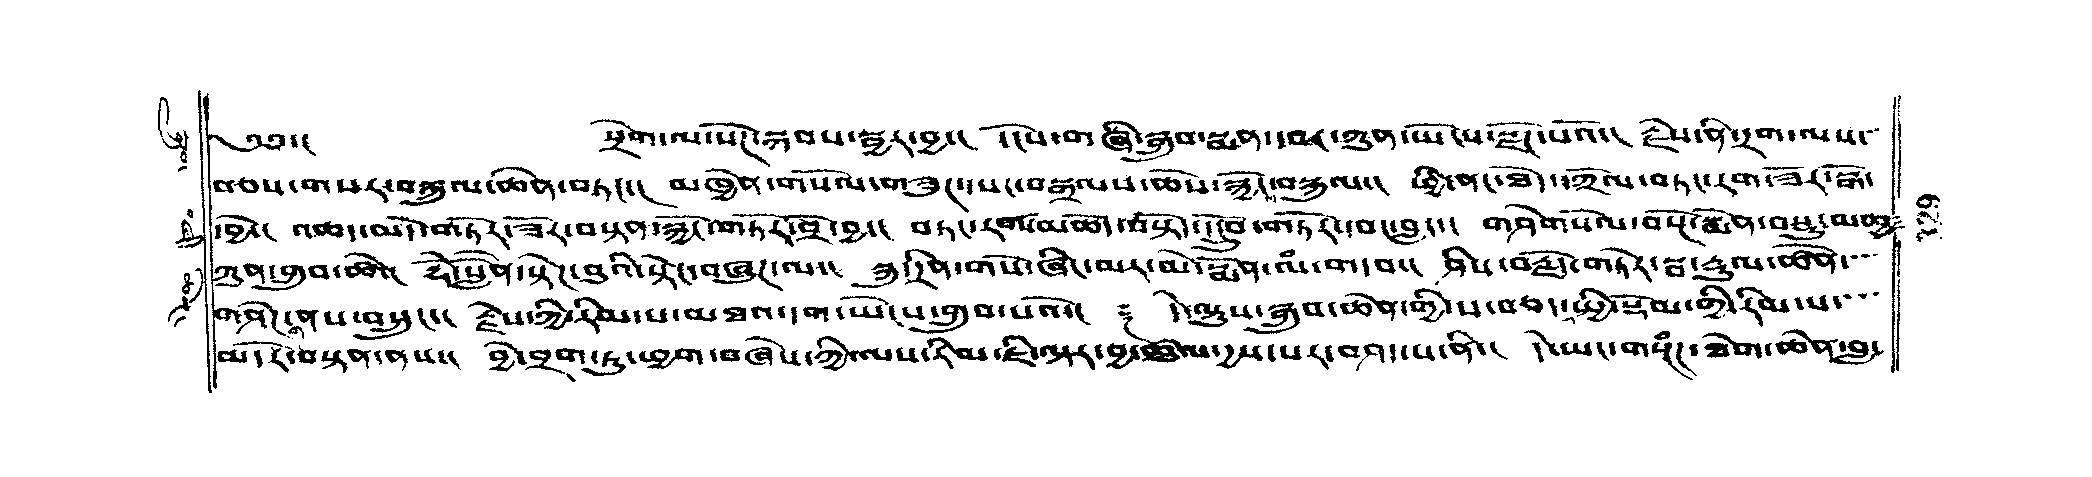སྲེག་ལ་སོགས་སྐབས་བསྐུར་བྱ། ། དངོས་གཞི་སྒྲུབ་སྨན་དབང་ཀུན་ཡོངས་རྫོགས་པའོ། །རྗེས་ནི་དྲག་ལས་
བཅས་གསར་བསྐུལ་ཆེན་བཏགས། ། མཁྱེན་གསོལ་གཟུགས་དཔང་བསྒྲལ་ལས་ཆོས་སྐྱོང་བསྐུལ། །ཕྱི་ནང་ཐོད་དཀྲོལ་བཏང་རག་ཟོར་སྒོ
་དབྱེ། ། འཆད་མོད་གཏོར་ཟོར་བསྟན་སྐྱོང་གཏོར་བྲོ་བྱ། །བཏང་རག་མཆོད་བསྟོད་དངོས་གྲུབ་གཏོར་དབང་ཞུ། །གཤེགས་གསོལ་བསྔོ་སྨོན་བསྡུ་མཆོག་
ཀུན་གྲུབ་ཚེ། །རྡོ་རྗེ་སློབ་དཔོན་སྟེགས་བུའི་སྟེང་བཞུགས་ལ། །སྐུ་དྲིན་གསོ་ཞིང་མར་མེ་སྨོན་ལམ་གདབ། །ཤིས་བརྗོད་གཏེར་སྦ་རྡུལ་ཚོན་
གཤེགས་གནས་བསྲུང་། །རྗེས་ཀྱི་རིམ་པ་མཐའ་དག་ཡོངས་གྲུབ་པའོ། ། ༈ དེ་ལྟ་བུས་སྒྲུབ་ཆེན་གྱི་ས་བཅད་སྤྱི་སྡོམ་གྱི་རིམ་པ་
མདོར་བསྟན་ནས། བྱེ་བྲག་ཏུ་ཕྱག་བཞེས་ཀྱི་ལས་རིམ་ཇི་ལྟར་བྱ་ཚུལ་རྒྱས་པར་བཤད་པ་ནི། དེ་ཡང་གསང་སྔགས་ཐེག་ཆེན་བླ་